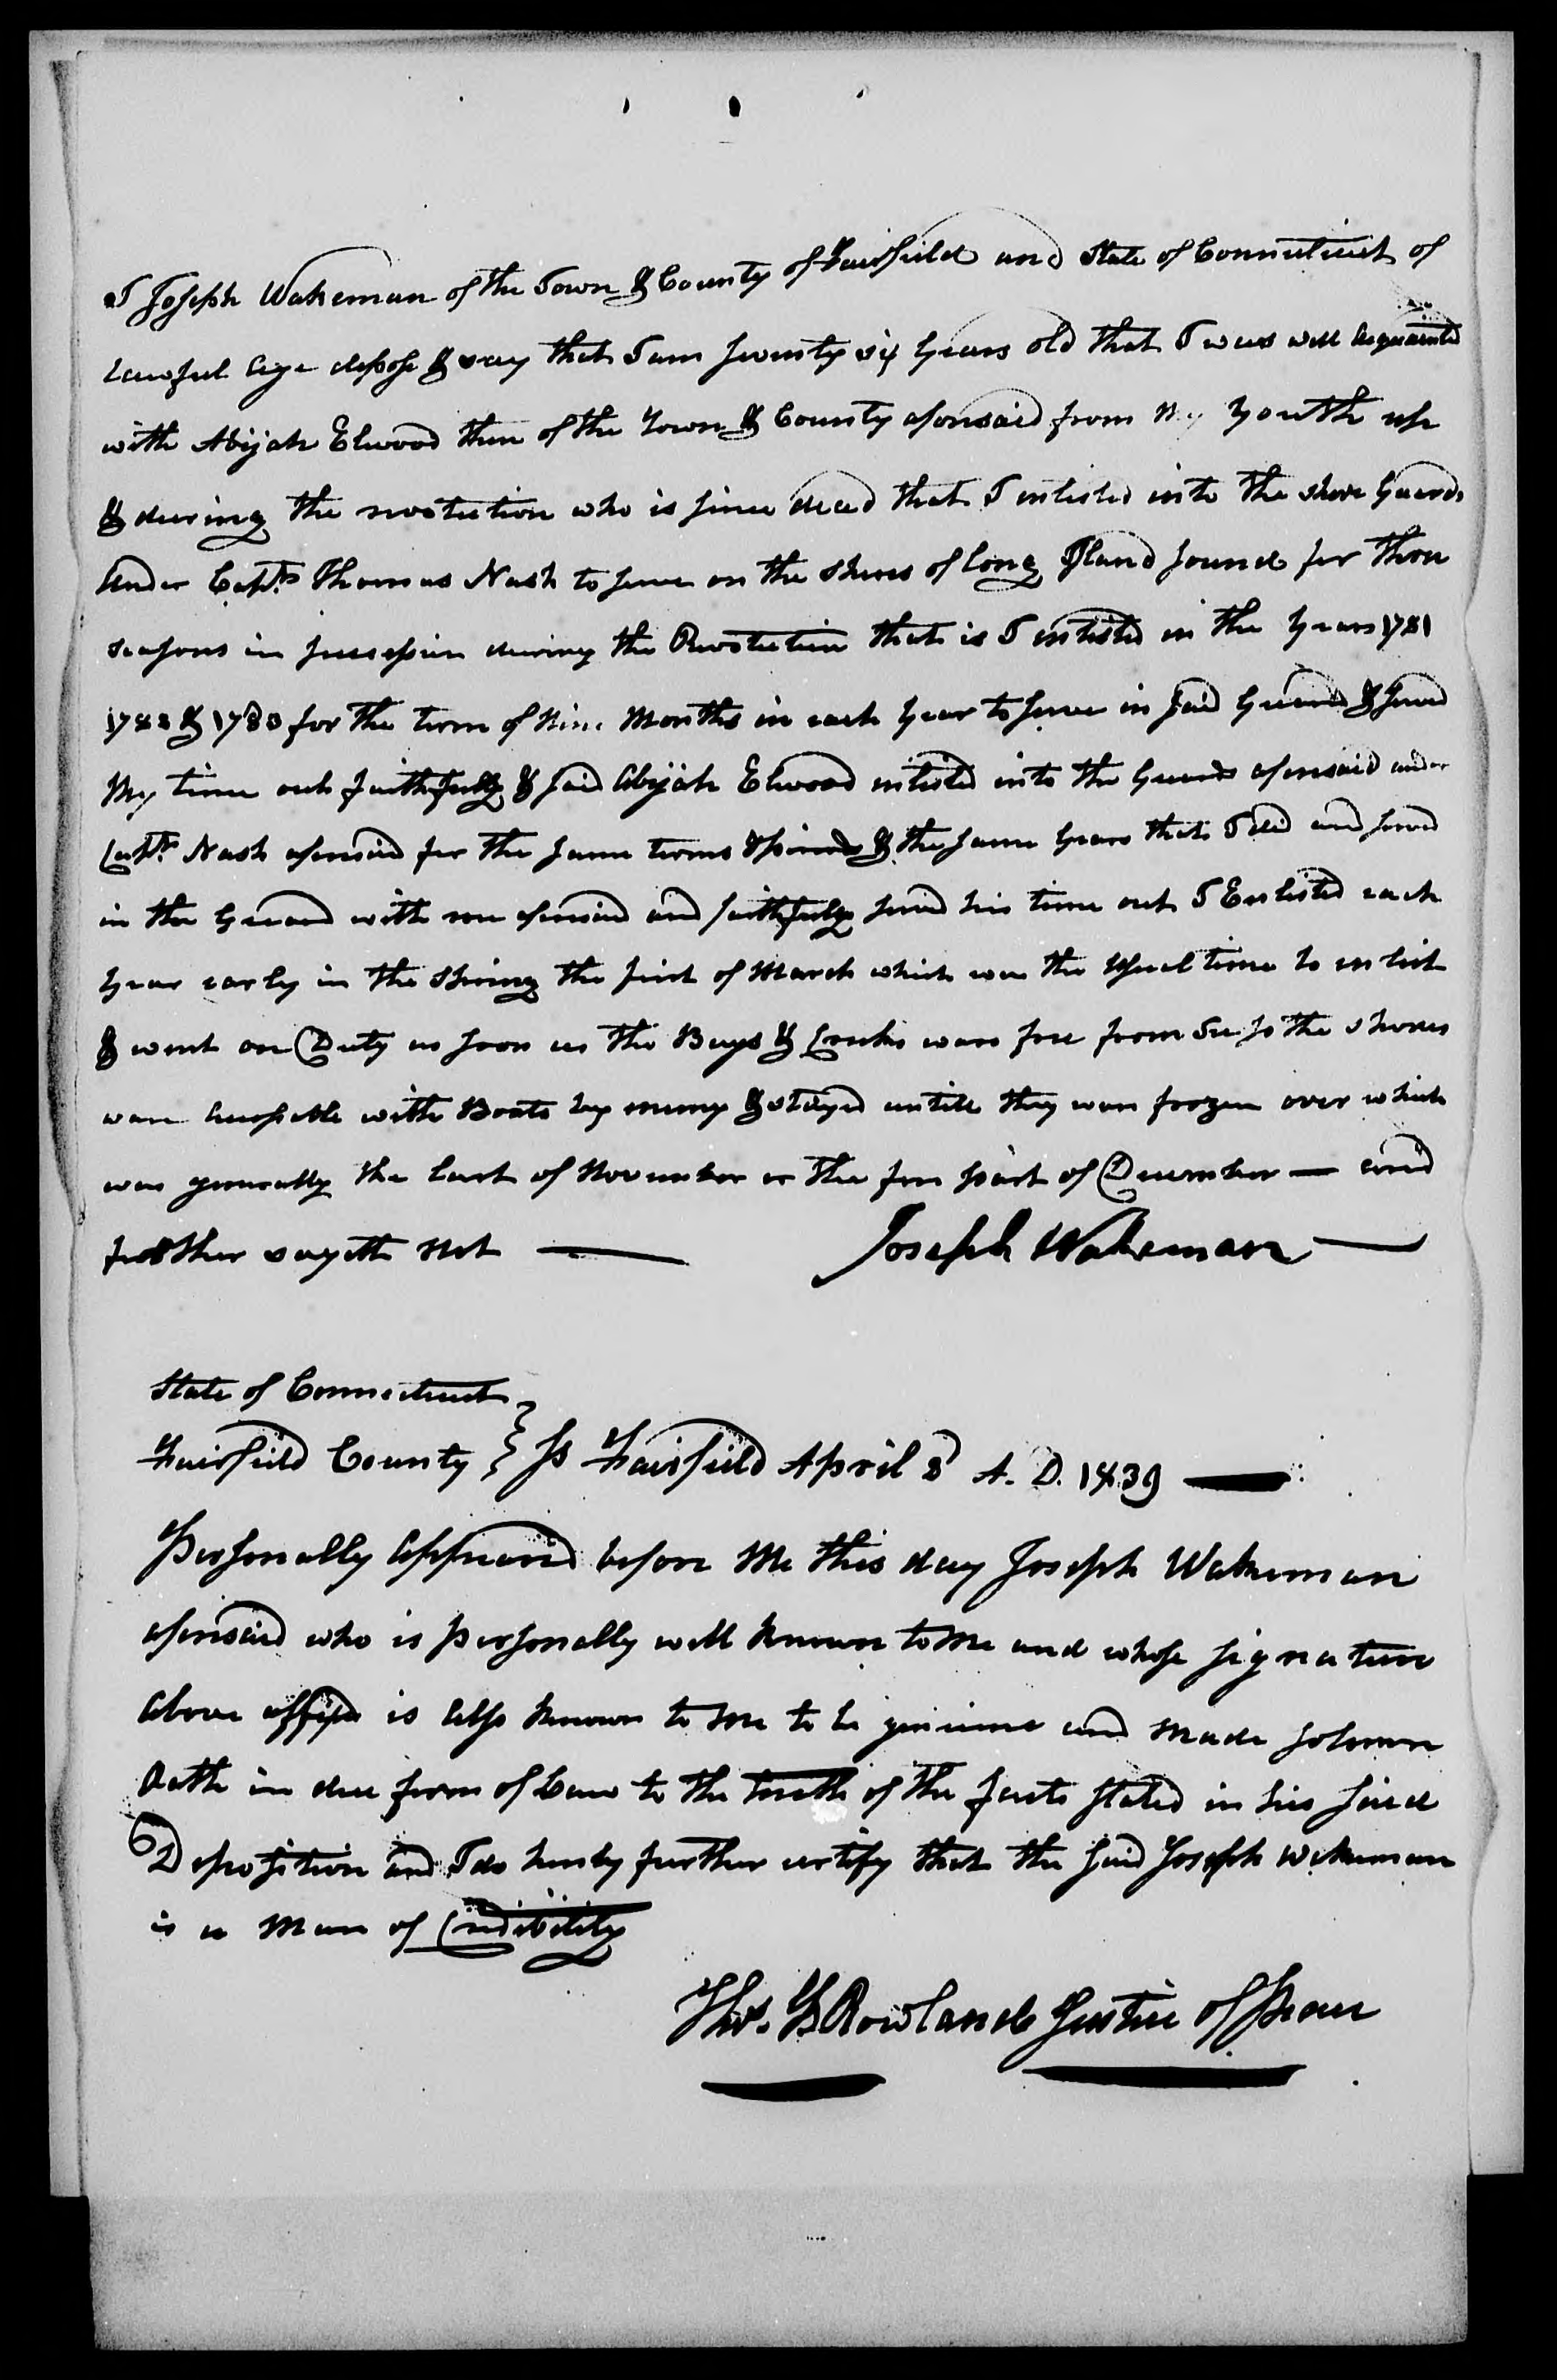I, Joseph Wakeman, of the Town & County of Fairfield and State of Connecticut, of lawful age, depose & say that I am seventy-six years old, that I was well acquainted with Abijah Elwood then of the Town & County aforesaid, from my youth up & during the revolution, who is since deceased, that I enlisted into the shore guards under Capt. Thomas Nash to serve on the shores of Long Island Sound for three seasons in succession during the Revolution, that I enlisted in the years 1781, 1782 & 1783 for the term of nine months in each year, to serve in said Guard. I served my time out faithfully, & said Abijah Elwood enlisted into the Guards aforesaid under Capt. Nash aforesaid for the same terms [   ] and the same years that I did and served in the Guard with me aforesaid and faithfully served his time out and I enlisted each year early in the spring, the first of March, which was the usual time to enlist, & went on Duty as soon as the bays & creeks were free from ice to the shores were [   ] with Boats by me and I stayed until they were frozen over which was generally the last of November or the first part of December, and further sayeth not.
Joseph Wakeman

State of Connecticut
Fairfield County ⎬ ss Fairfield April 8, A.D. 1839
Personally appeared before me this day Joseph Wakeman, aforesaid, who is personally well known to me and whose signature above affixed is also known to me to be genuine, and made solemn oath in due form of Law to the truth of the facts stated in his said Deposition and I do hereby further certify that the said Joseph Wakeman is a man of credibility.
Thos. F. Rowland, Justice of the Peace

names: Joseph Wakeman, Thomas Nash, Joseph Wakeman, Abijah Elwood, Abijah Elwood, Joseph Wakeman, Joseph Wakeman, Nash, Thos F Rowland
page: 64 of 69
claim: widow's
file: W. 25562, Abijah Elwood, Conn.